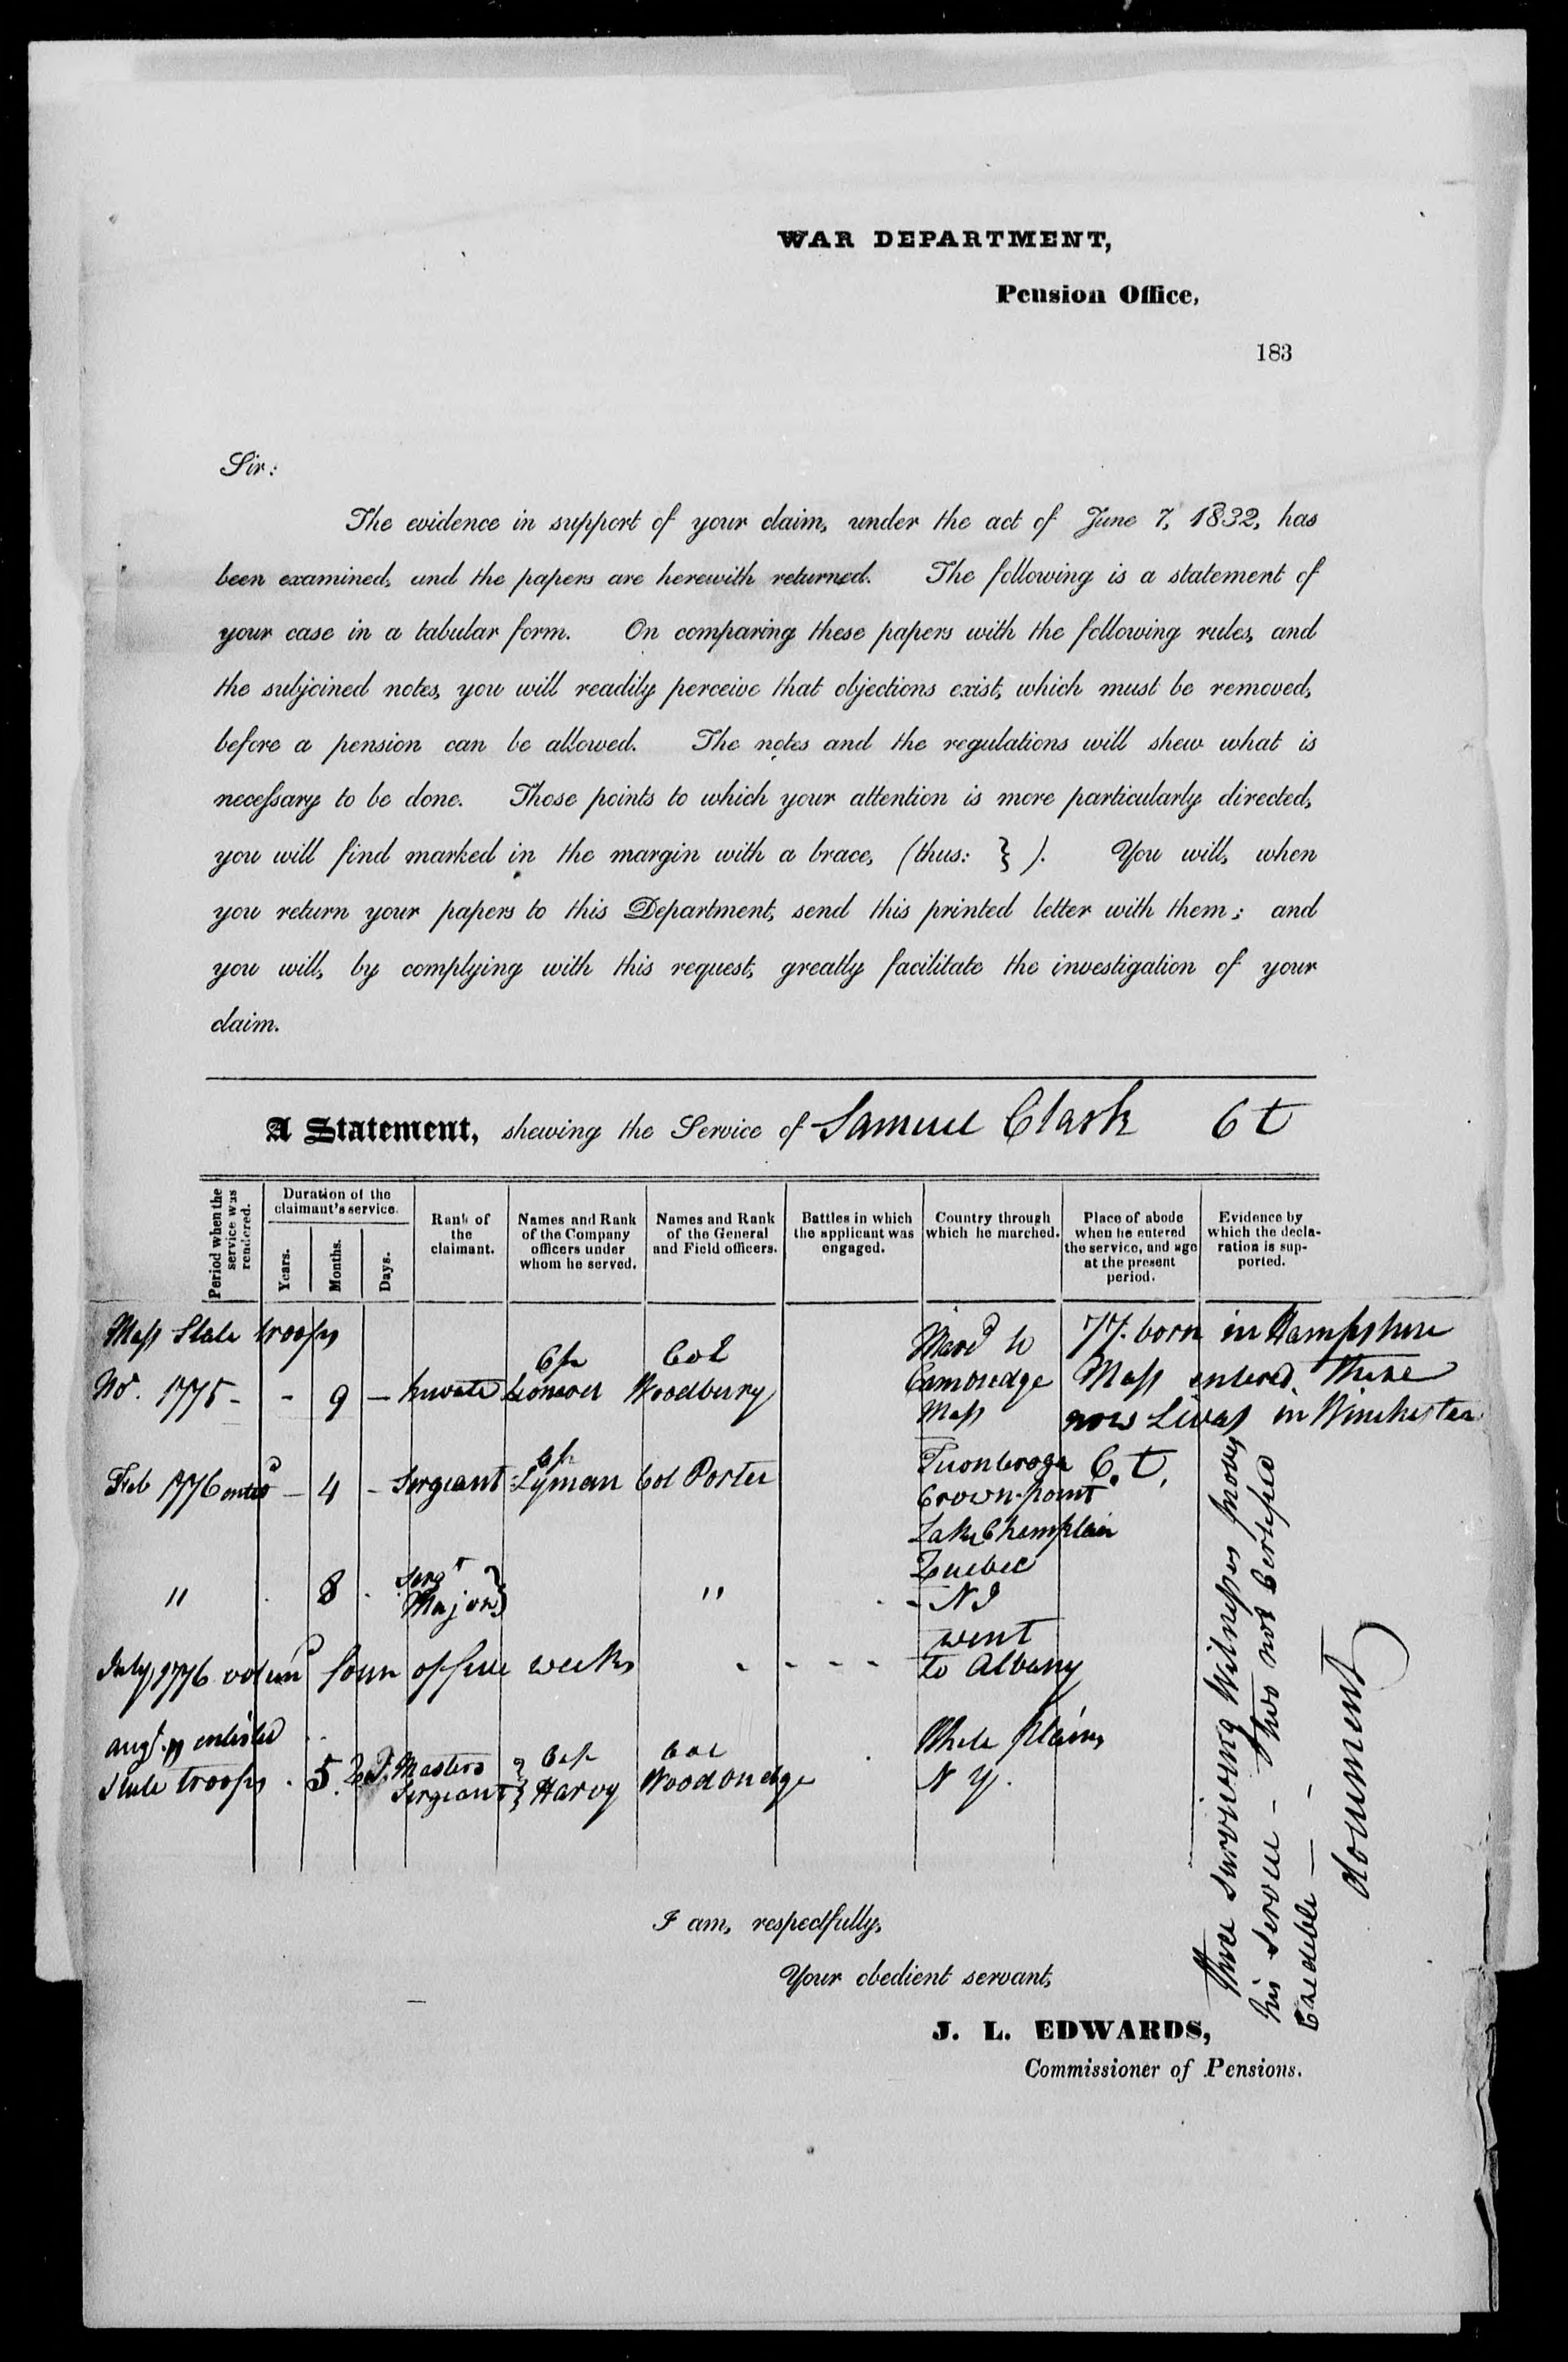WAR DEPARTMENT. Pension Office, 183 
Sir:
The evidence in support of your claim, under the act of June 7, 1832, has been examined, and the papers are herewith returned. The following is a statement of your case in a tabular form. On comparing these papers with the following rules, and the subjoined notes, you will readily perceive that objections exist, which must be removed, before a pension can be allowed. the notes and the regulations will shew what is necessary to be done. Those points to which your attention is more particularly directed, you will find marked in the margin with a brace, (thus: }). You will, when you return your papers to this Department, send this printed letter with them; and you will, by complying with this request, greatly facilitate the investigation of your claim. 
A Statement, showing the service of Samuel Clark Ct

[table headings]Period when the service was rendered. | Duration of the claimant's service Years, Months, Days | Rank of the Claimant | Names and Ranks of the Company officers under whom he server | Names and Rank of the General and Field officers | Battles in which the applicant was engaged | Country through which he marched | Place of abode when he tended the service, and age at the present period | Evidence by which the declaration is supported
[row 1] Mass State Troops Nov 1775 | - 9 - | Private | Capt. Leonard | Col Woodbury | [blank] | Marched to Cambridge Mass | 77. born in Hampshire Mass entered there now lives in Winchester Ct | Three surviving Witnesses proves his service - two not certified credible documents
[row 2] Feb 1776 Mass | - 4 - | Sergeant | Lyman | Col Porter | [blank] | Ticonderoga, Crown point, Lake Champlain, Quebec
| [blank] | [blank]
[row 3] " | - 8 - | Sergt Major | [blank] | " | | [blank] | [blank]
[row 4] July 1776 voluntd | four or five weeks | | [blank] | [blank] | went to Albany | [blank] | [blank]
[row 5] Aug 77 enlisted |  - 5 - | QtMaster Sergeant | Col Harvy | Col Woodbridge | White Plains NY | | [blank] | [blank]

I am, respectfully, 
Your obedient servant, 
J. L. EDWARDS
Commissioner of Pensions..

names: Porter, Leonard, Woodbury, Woodbridge, J L Edwards, Lyman, Harvy, Samuel Clark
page: 8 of 48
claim: survivor's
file: S. 17343, Lemuel Clarke, Mass.